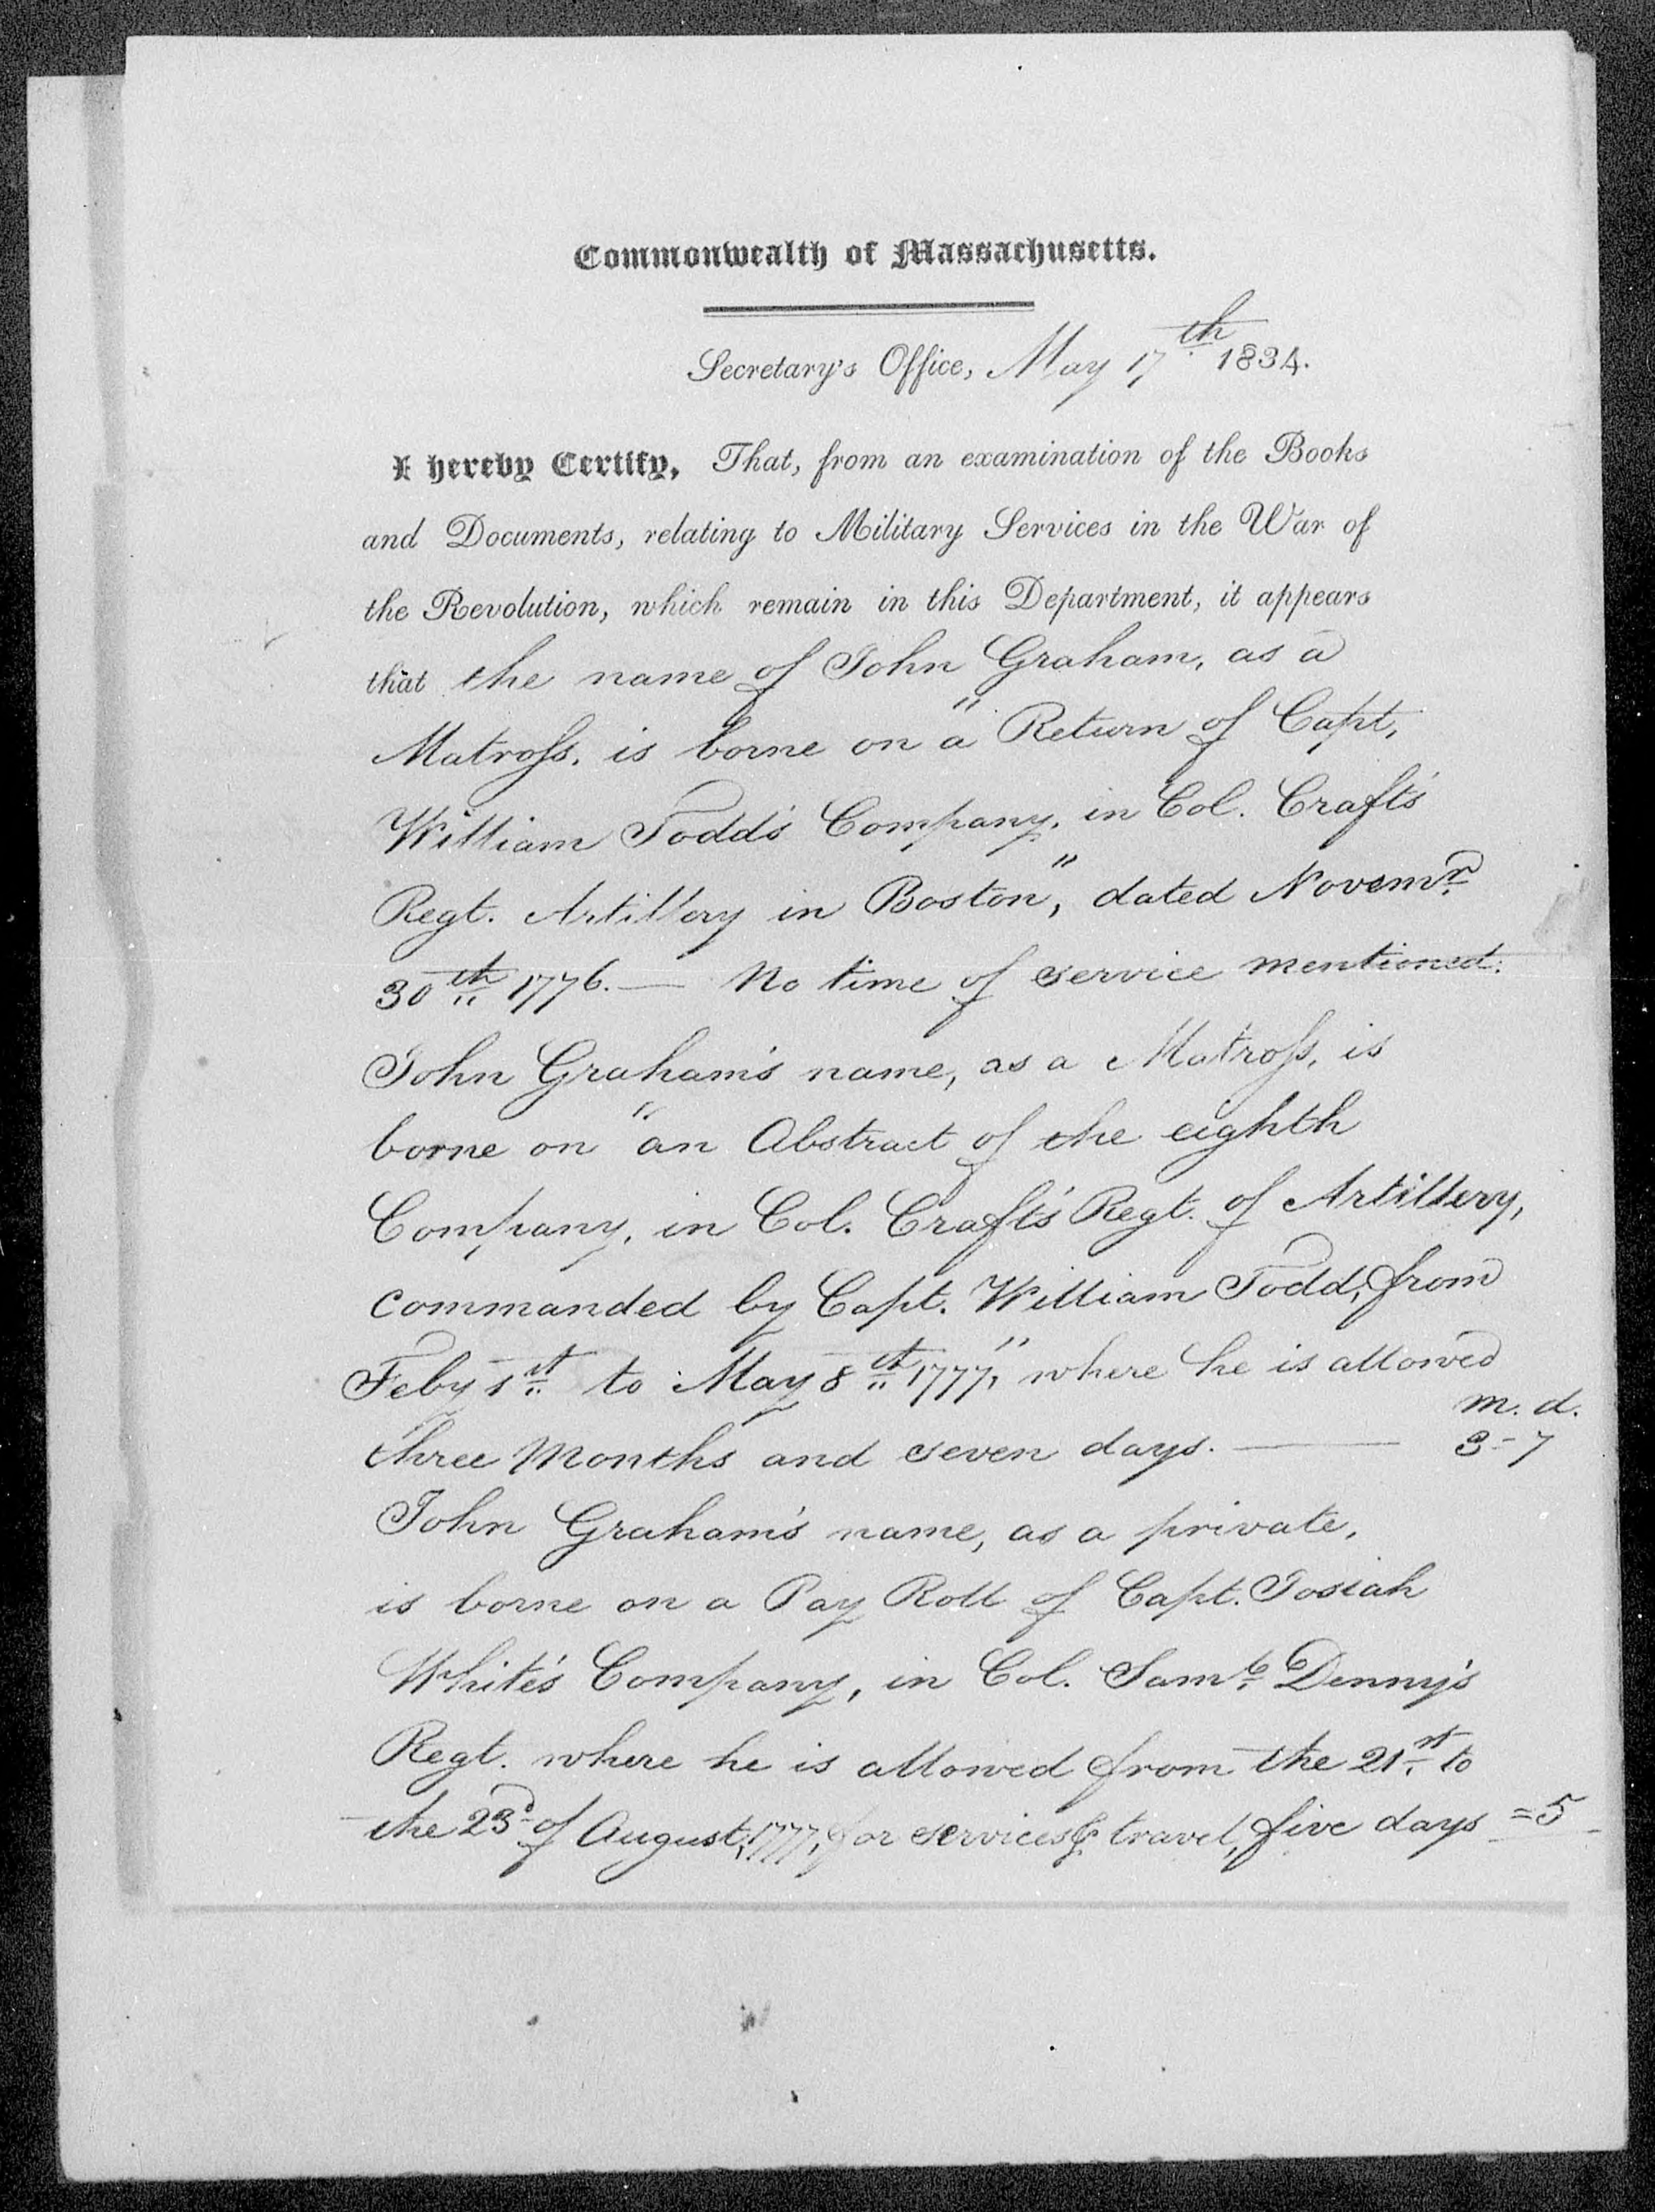Commonwealth of Massachusetts.
Secretary's Office, May 17th, 1834.
I hereby Certify, That, from an examination of the Books and Documents, relating to Military Services in the War of the Revolution, which remain in this Department, it appears that the name of John Graham, as a Matrofs(?) is borne on a "Return of Capt. William Todd's Company, in Col. Craft's Regt. Artillery in Boston," dated November 30th, 1776. No time of service mentioned. John Graham's name, as a Matrofs(?), is borne on "an Abstract of the eighth Company, in Col. Craft's Regt. of Artillery, commanded by Capt. William Todd, from Feby 1st to May 8th 1777, where he is allowed Three Months and seven days.-- m.d. 3-7
John Graham's name, as a private, is borne on a Pay Roll of Capt. Josiah White's Company, in Col. Saml Denny's Regt. where he is allowed from the 21st to the 23rd of August 1777, for services to travel five days = 5.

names: John Graham, John Graham, William Todd, John Graham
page: 20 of 28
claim: survivor's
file: S. 22799, John Graham, Mass